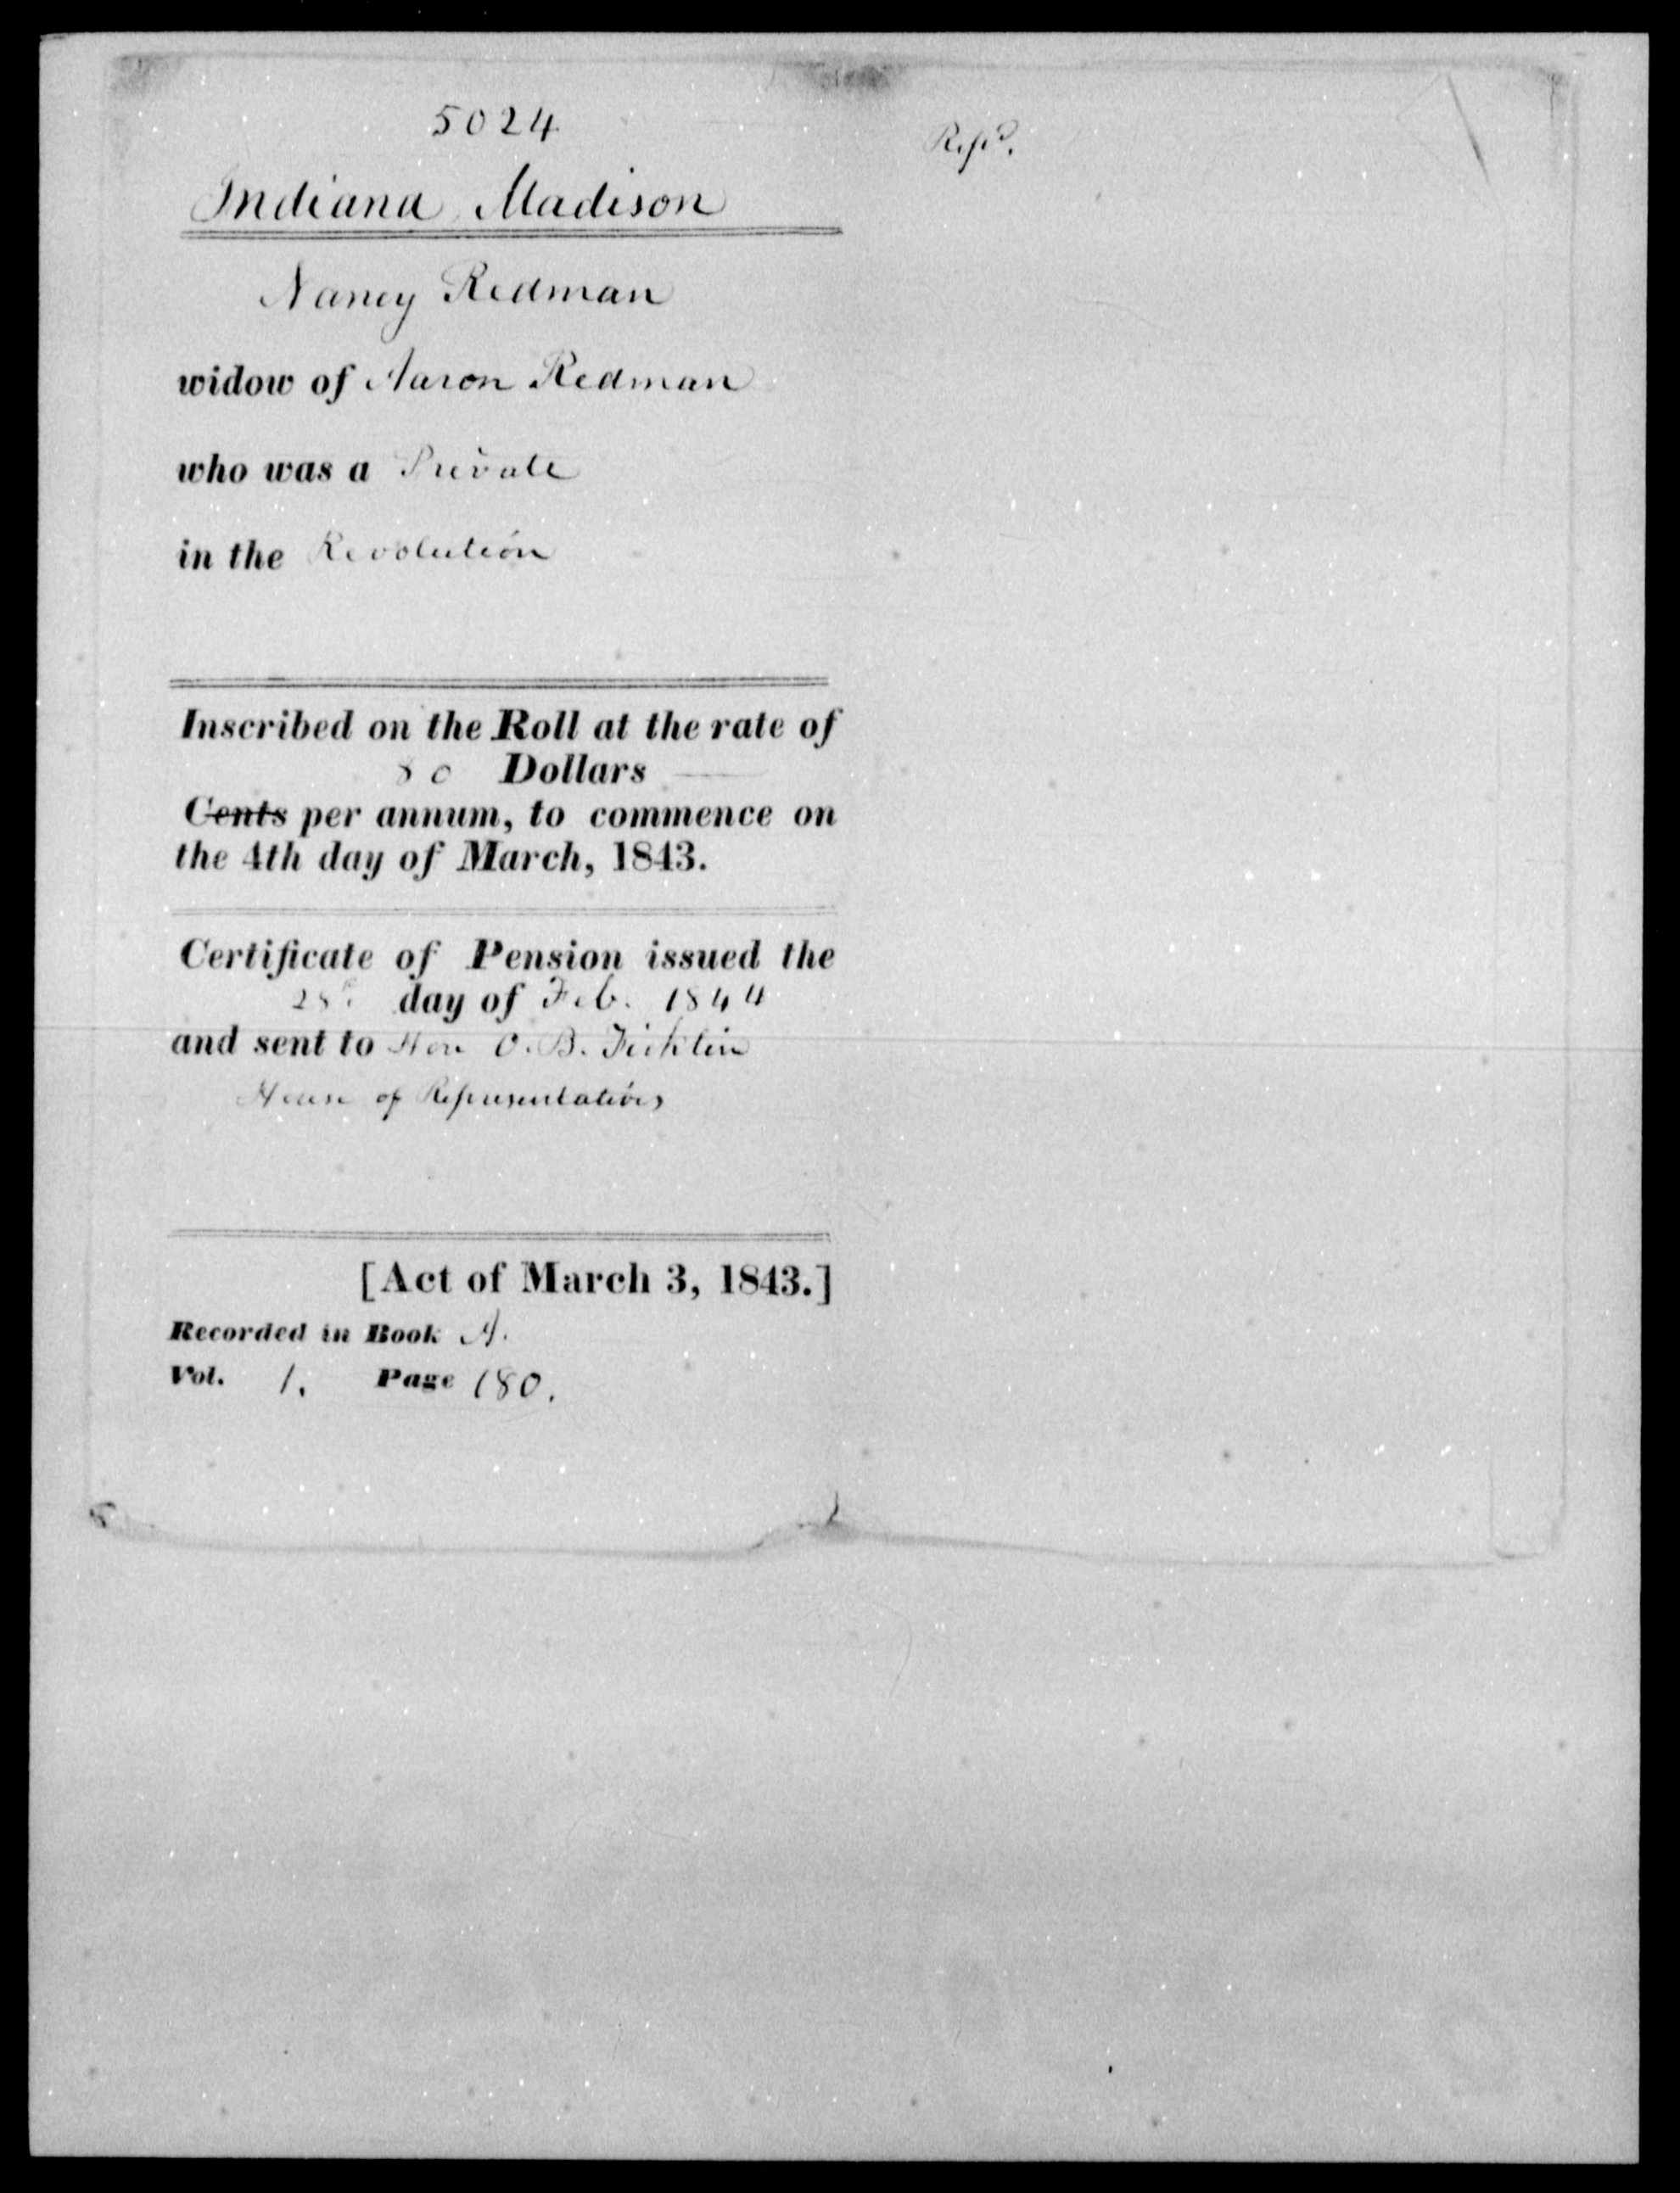5024

Indiana, Madison

Nancy Redman
widow of Aaron Redman
who was a Private
in the Revolution

Inscribed on the Roll at the rate of
80 Dollars - 
Cents (struck through) per annum, to commence on the 4th day of March, 1843.

Certificate of Pension issued the
28th day of Feb. 1844
and sent to Hon. C. B. (illegible)
House of Representatives

[Act of March 3, 1843.]
Recorded in Book A.
Vol. 1. Page 180.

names: O B Ficklin; Nancy Redman; Aaron Redman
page: 20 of 57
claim: widow's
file: W. 9,622, for Aaron Redman, Virginia